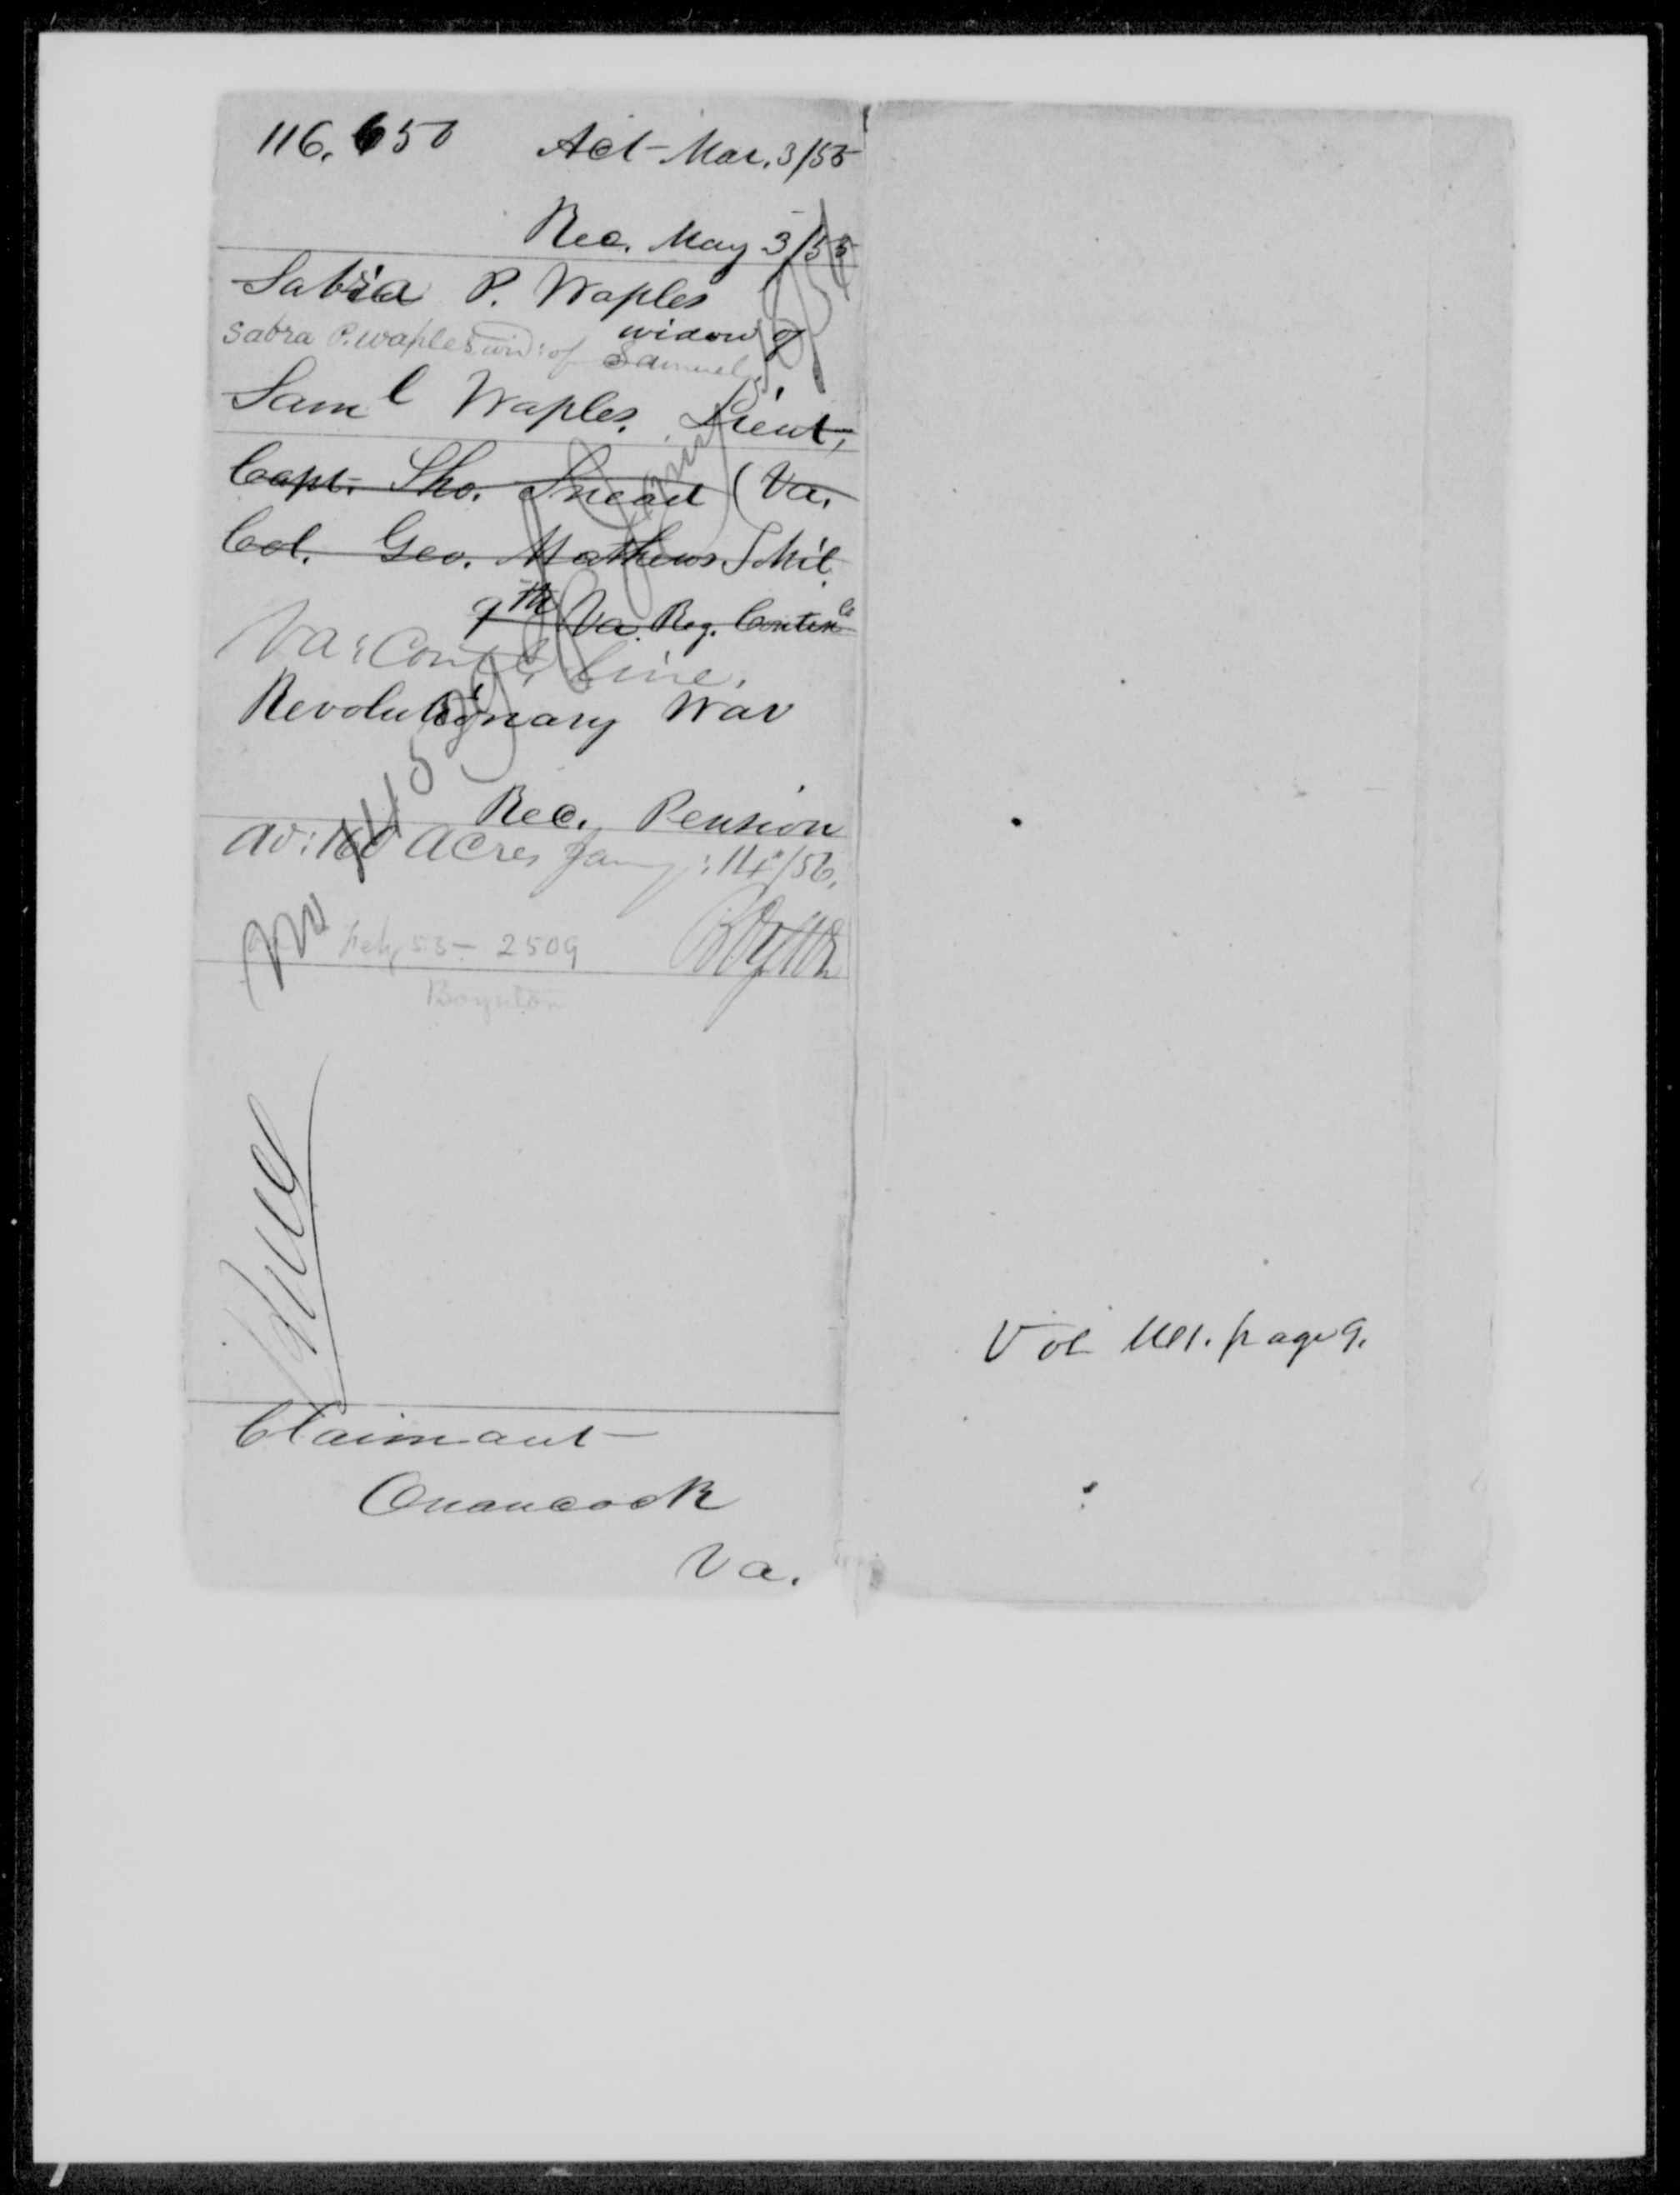116.650 Act – Mar 3/55-
Rec. May 3/55

Sabra P. Waples
Widow of Saml Waples, Lieut.
Sabra P Waples wid. Of Samuel

Va Contl. line 

Revolutionary War
Rec. Pension
Ad: 160 Acres Jany 14th/56
Va Feby 53 – 2509 Boynton

Boynton 
Claimant – Onancock Va
Vol. 161. page 9. 

No 14529 of Jany 18/56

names: Sabra P Waples, Samuel Waples, Sabra P Waples, Tho Snead, Boynton, Geo Mathews, Saml Waples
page: 3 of 59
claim: widow's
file: W. 6427, Samuel Waples, Va.